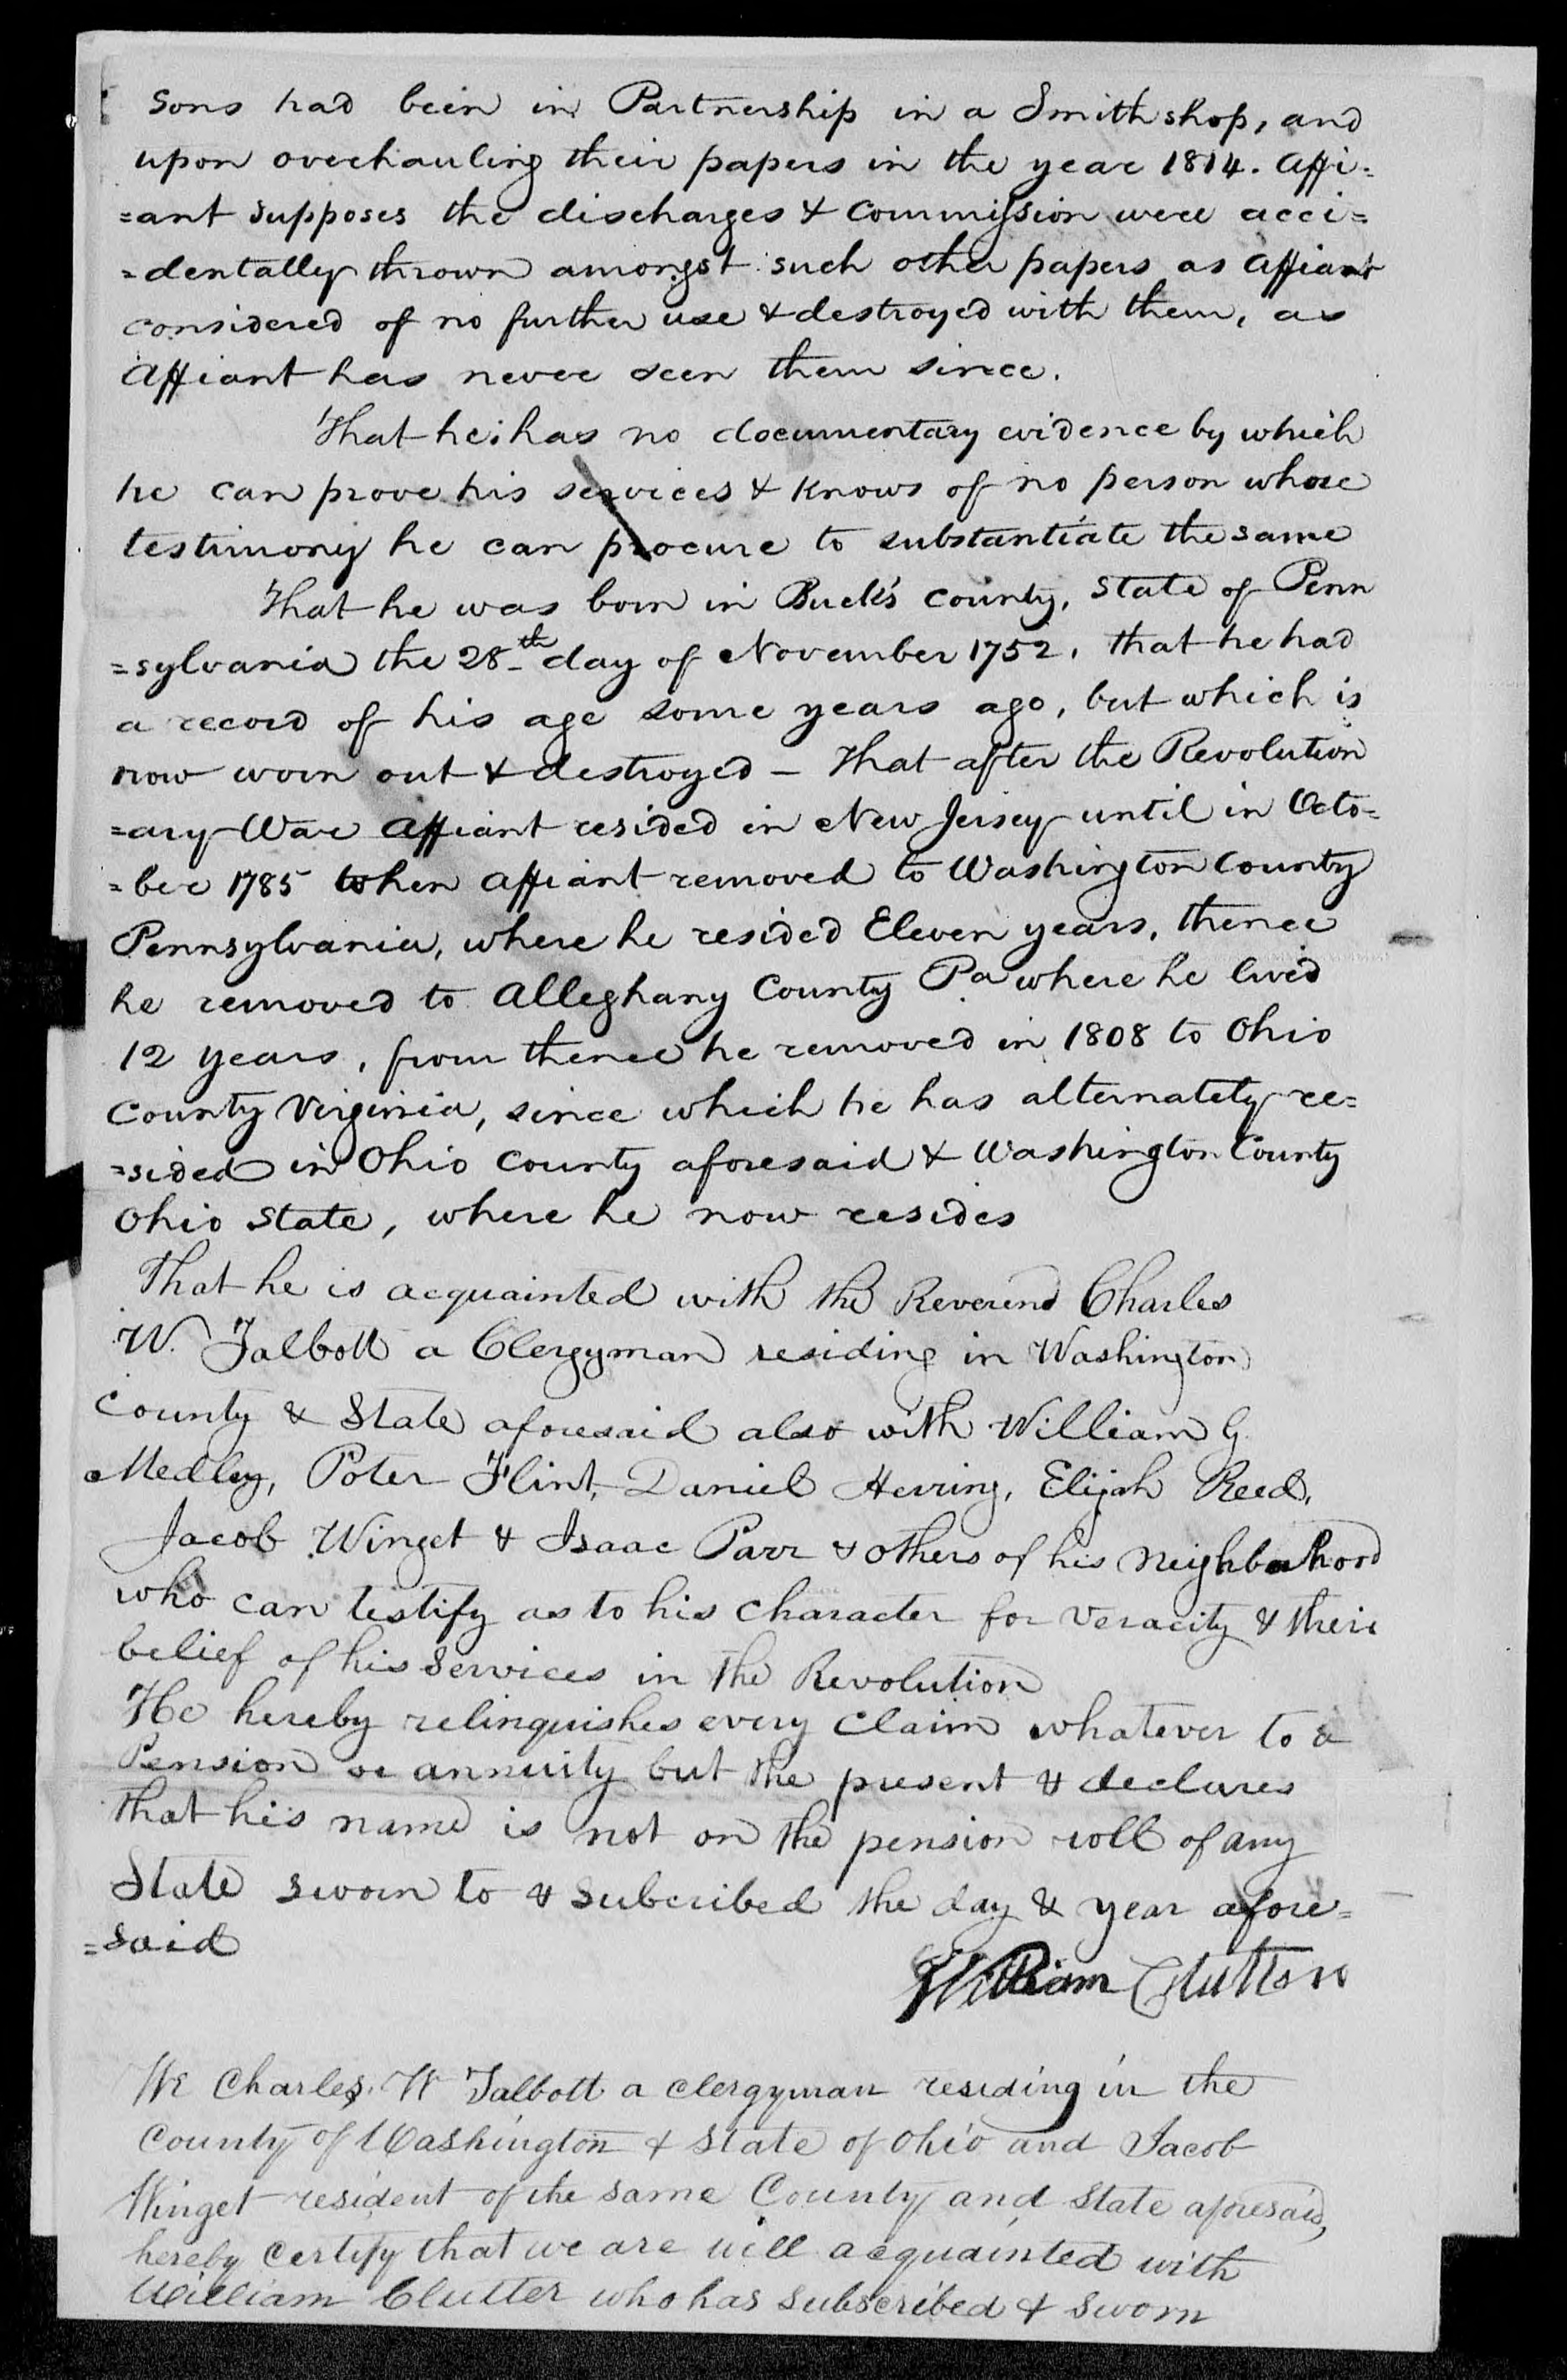sons had been in partnership in a Smith shop and upon overhauling their papers in the year 1814 affiant supposes the discharges & commission were accidentally thrown amongst such other papers as affiant considered of no further use & destroyed with them as affiant has never seen them since.

That he has no documentary evidence by which he can prove his services & knows of no person whose testimony he can procure to substantiate the same.

That he was born in Buck's County state of Pennsylvania the 28th day of November 1752 that he had a record of his age some years ago but which is now worn out & destroyed - that after the revolutionary war affiant resided in New Jersey until in October 1785 when affiant removed to Washington County Pennsylvania where he resided eleven years thence he removed to Alleghany County Pa where he lived 12 years from thence he removed in 1808 to Ohio County Virginia sine which he has alternately resided in Ohio County aforesaid & Washington County Ohio State where he now resides.

That he is acquainted with the Reverand Charles W. Talbot a clergyman residing in Washington County & state aforesaid also with William G Medley, Poter Flint, Daniel Herring, Elijah Reed, Jacob Winget & Isaac Parr & others of his neighborhood who can testify as to his character for veracity & their belief of his services in the revolution.

He hereby relinquishes every claim whatever to a pension & annuity but the present & declares that his name is not on the pension roll of any state. Sworn to & subscribed the day and year aforesaid.

William Clutter

We Charles W Talbot a clergyman residing in the county of Washington & State of Ohio and Jacob Winget resident of the same county and state aforesaid hereby certify that we are well acquainted with William Clutter who has subscribed & sworn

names: Poter Flint, Elijah Reed, William Clutter, Daniel Herring, William Clutter, Charles W Talbott, Charles W Talbott, Jacob Winget, Isaac Parr, Jacob Winget, William G Medley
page: 7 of 35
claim: rejected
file: R. 2066, William Clutter, New Jersey